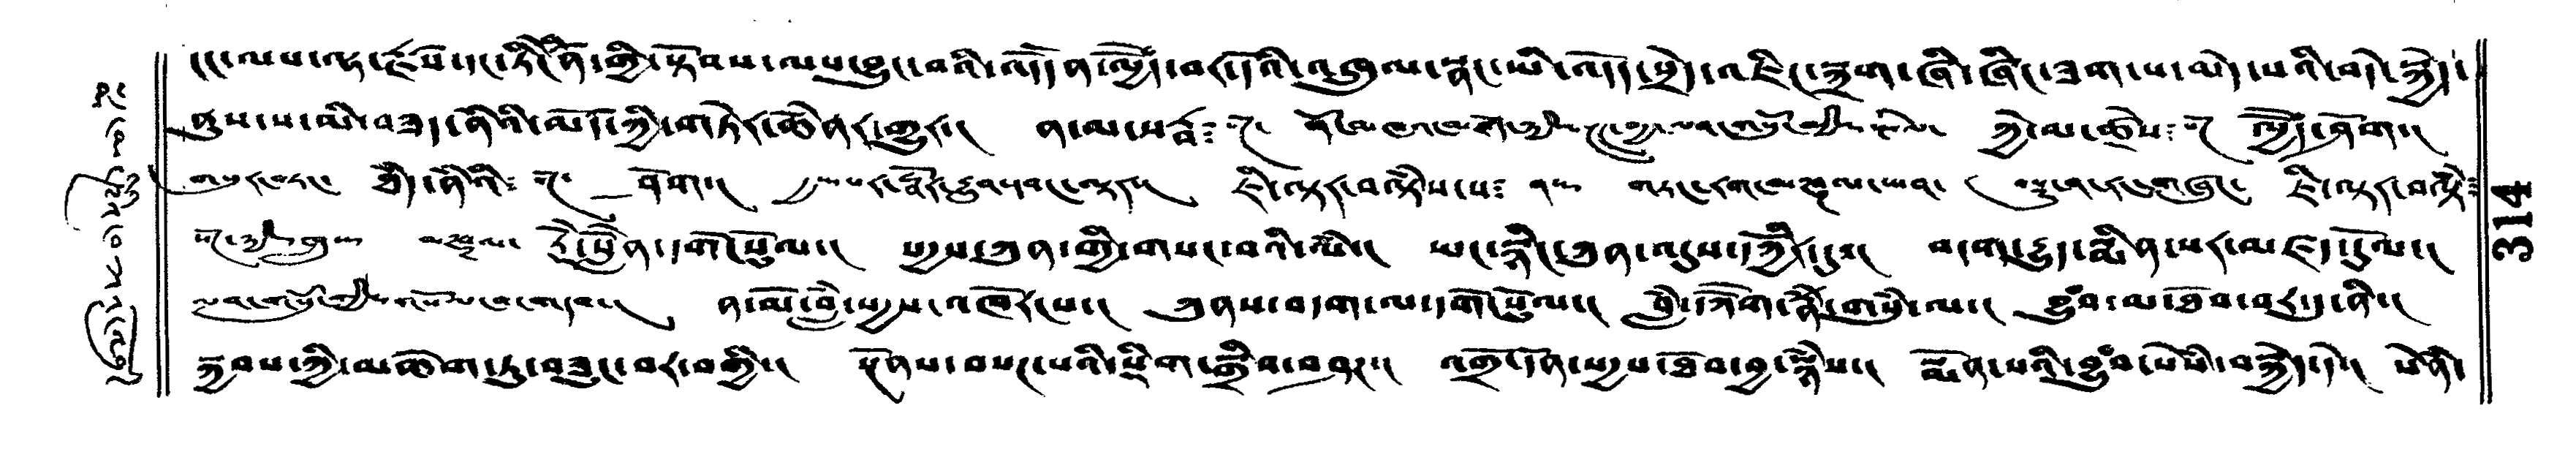ངང་ལས་ལྷ་རྫས་དང་ཏིང་འཛིན་གྱི་སྟོབས་ལས་བྱུང་བའི་འདོད་དོན་ལོངས་སྤྱོད་བར་དོའི་འཁྲུལ་སྣང་གི་འདོད་སྲེད་འཇིགས་སྐྲག་ཞི་ཞིང་ཟག་པ་མེད་པའི་བདེ་སྐྱེད་
ནུས་པ་མི་ཟད་ནམ་མཁའི་མཛོད་ཀྱི་གཏེར་ཆེན་པོར་གྱུར། ན་མ་སརྦ༴ སོགས། ནམ་མཁའ་མཛོད་ཀྱི་སྔགས་རྒྱ་ལན་གསུམ་གྱིས་སྤེལ། ཀྱེ་མ་ཚེ་འདས༴ སོགས། ལོངས་སྤྱོད་ཤོག༔ 
གསུར་གཏང་། ཐམས་ཅད་ནམ་མཁའི༴ སོགས། ཤོག རྒྱས་པར་རྣལ་འབྱོར་རྒྱུན་དབང་ལྟར། ཇི་ལྟར་བལྟམས་པ༴ ནས། གཏང་རག་མཎྜལ་ཡན། བསྡུ་ན་རང་གཞུང་། ཇི་ལྟར་བལྟམས༴ 
སོགས་ཀྱིས་ཁྲུས། མཎྜལ། རྡོ་རྗེ་སློབ་དཔོན་དགོངས་སུ་གསོལ། །སངས་རྒྱས་ཀུན་གྱི་གསང་བའི་ལམ། །ཡང་སྙིང་ཀུན་འདུས་དཀྱིལ་འཁོར་དུ། །བདག་རྒྱུད་སྨིན་པར་མཛད་དུ་གསོལ། 
ལན་གསུམ་གྱིས་གསོལ་བ་གདབ།ན་མོ། བླ་མ་སངས་རྒྱས་འཁོར་དང་བཅས། །ཀུན་ནས་བདག་ལ་དགོངས་སུ་གསོལ། །བླ་མ་དཀོན་མཆོག་རྣམས་གསུམ་ལ། །བྱང་ཆུབ་མ་ཐོབ་བར་དུ་ནི། །
སྐྱབས་ཀྱི་མཆོག་ཏུ་བཟུང་བར་བགྱི། །སྔོན་ནས་བསགས་པའི་སྡིག་སྒྲིབ་བཤགས། །འགྲོ་དོན་སངས་རྒྱས་འཐོབ་བྱ་སྙམ། །སྨོན་པའི་བྱང་ཆུབ་སེམས་བསྐྱེད་དེ། །སེམས་ཅན་